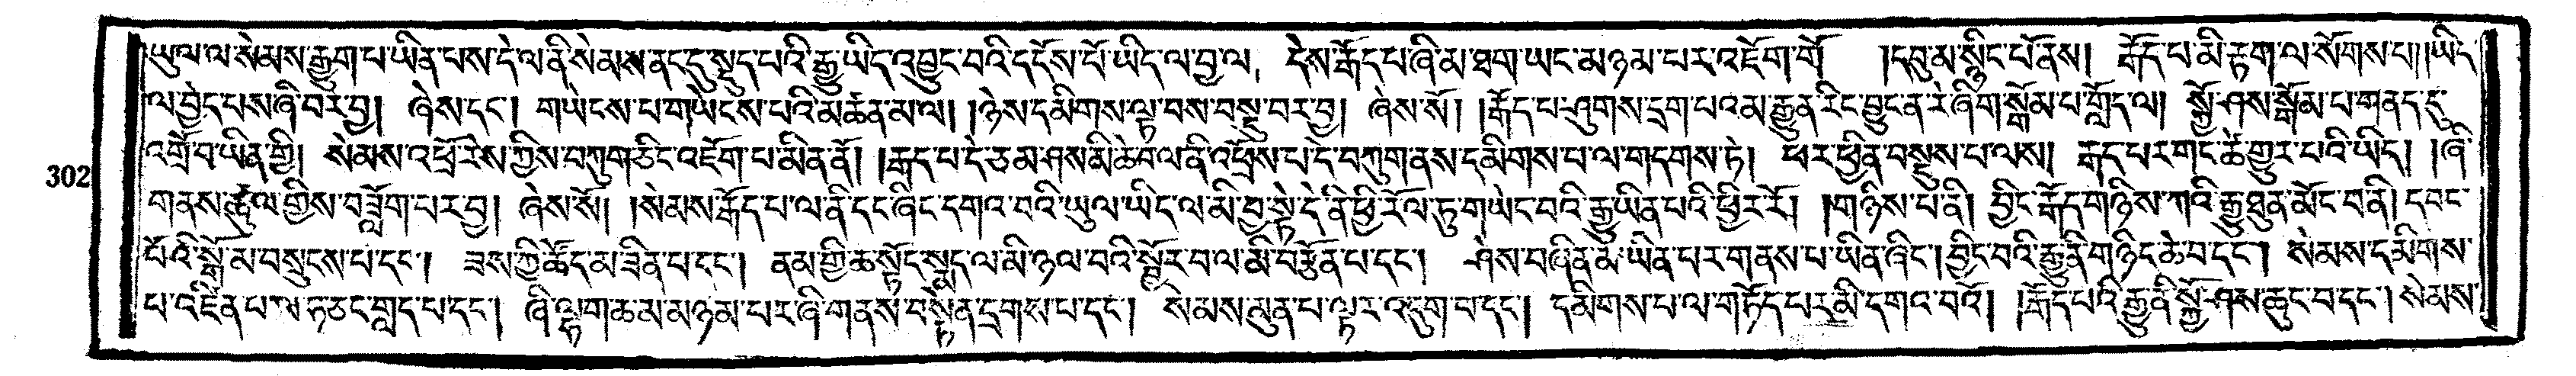ཡུལ་ལ་སེམས་རྒྱུག་པ་ཡིན་པས་དེ་ལ་ནི་སེམས་ནང་དུ་སྡུད་པའི་རྒྱུ་ཡིད་འབྱུང་བའི་དོས་པོ་ཡིད་ལ་བྱ་ལ། དེས་རྒོད་པ་ཞི་མ་ཐག་ཡང་མཉམ་པར་འཇོག་གོ །དབུ་མ་སྙིང་པོ་ནས། རྒོད་པ་མི་རྟག་ལ་སོགས་པ། །ཡིད་
ལ་བྱེད་པས་ཞི་བར་བྱ། ཞེས་དང་། གཡེངས་པ་གཡེངས་པའི་མཚན་མ་ལ། །ཉེས་དམིགས་ལྟ་བས་བསྡུ་བར་བྱ། ཞེས་སོ། །རྒོད་པ་ཤུགས་དྲག་པའམ་རྒྱུན་རིང་བྱུང་ན་རེ་ཞིག་སྒོམ་པ་གློད་ལ། སྐྱོ་ཤས་སྒོམ་པ་གནད་དུ་
འགྲོ་བ་ཡིན་གྱི། སེམས་འཕྲོ་རེས་ཀྱིས་བཀུག་ཅིང་འཇོག་པ་མིན་ནོ། །རྒད་པ་དེ་ཅམ་ཤས་མི་ཆེ་བ་ལ་ནི་འཕྲོས་པ་དེ་བཀུག་ནས་དམིགས་པ་ལ་གདགས་ཏེ། ཕར་ཕྱིན་བསྡུས་པ་ལས། རྒད་པར་གང་ཚེ་གྱུར་པའི་ཡིད། །ཞི་
གནས་ཚུལ་གྱིས་བཟློག་པར་བྱ། ཞེས་སོ། །སེམས་རྒོད་པ་ལ་ནི་དང་ཞིང་དགའ་བའི་ཡུལ་ཡིད་ལ་མི་བྱ་སྟེ་དེ་ནི་ཕྱི་རོལ་ཏུ་གཡེང་བའི་རྒྱུ་ཡིན་པའི་ཕྱིར་རོ། །གཉིས་པ་ནི། བྱིང་རྒོད་གཉིས་ཀའི་རྒྱུ་ཐུན་མོང་བ་ནི། དབང་
པོའི་སྒོ་མ་བསྲུངས་པ་དང་། ཟས་ཀྱི་ཚོད་མ་ཟིན་པ་དང་། ནམ་གྱི་ཆ་སྟོང་སྨད་ལ་མི་ཉལ་བའི་སྦྱོར་བ་ལ་མི་བརྩོན་པ་དང་། ཤེས་བཞིན་མ་ཡིན་པར་གནས་པ་ཡིན་ཞིང་། བྱིང་བའི་རྒྱུ་ནི་གཉིང་ཆེ་བ་དང་། སེམས་དམིགས་
པ་འཛིན་པ་ལ་ཧ་ཅང་གླད་པ་དང་། ཞི་ལྷག་ཆ་མ་མཉམ་པར་ཞི་གནས་བསྟེན་དྲགས་པ་དང་། སེམས་མུན་པ་ལྟར་འདུག་པ་དང་། དམིགས་པ་ལ་གཏོད་པར་མི་དགའ་བོའོ། །རྒོད་པའི་རྒྱུ་ནི་སྐྱོ་ཤས་ཆུང་བ་དང་། སེམས་